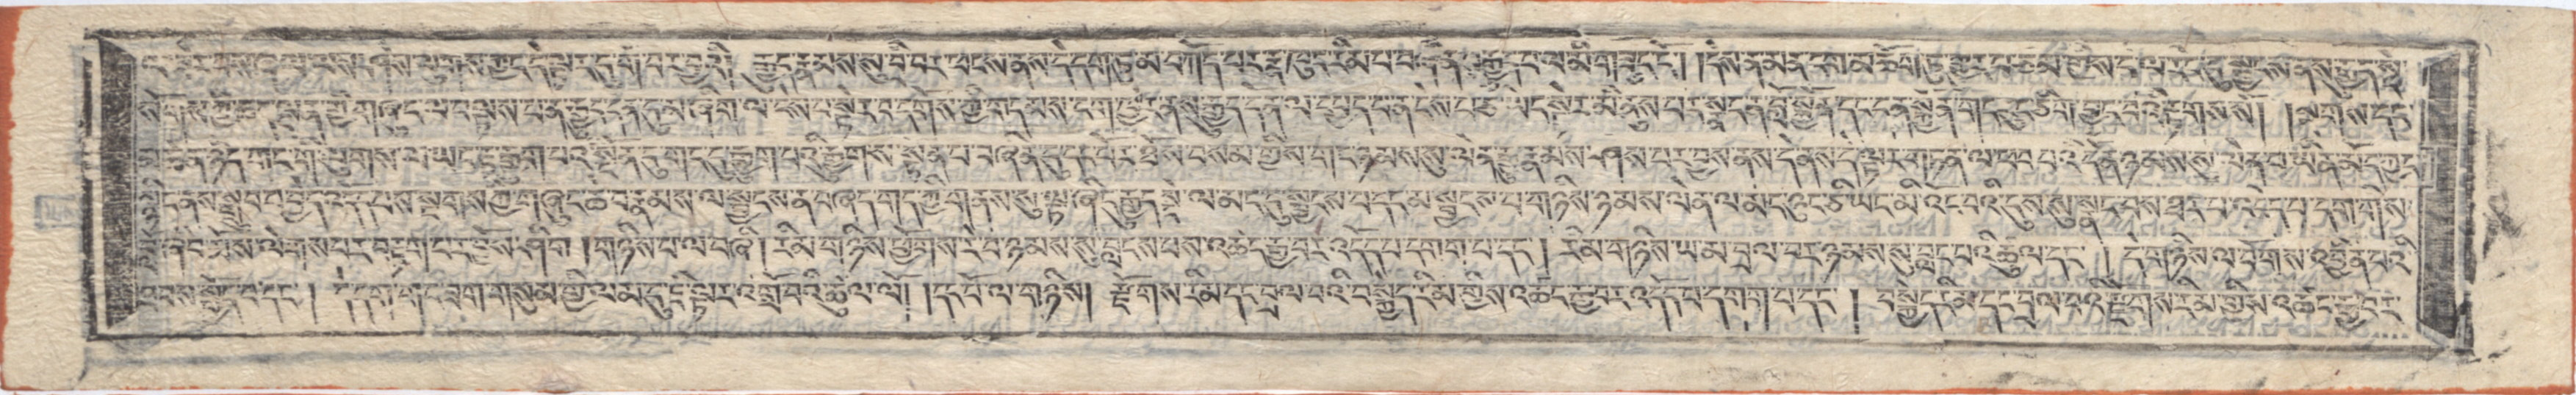ལ་ཟེར་བས་ཞལ་ལས་ཤེས་ལུགས་ཀྱང་དེ་ལྟར་དུ་གོ་བར་བྱའི། རྒྱུད་རྣམས་སུ་བྲི་བར་ཕངས་ནས་དེ་དག་ཏུ་མ་བཀོད་པར་རྣ་ཁུང་རིམ་པ་བཞིན་བརྒྱུད་པ་ལ་མི་གཟུང་ངོ། །དེས་ན་མན་ངག་མཆོག་ཏུ་གྱུར་པ་ཙམ་གྱིས་དེ་ལ་རིང་དུ་སྦྱངས་ནས་རྒྱུད་སྡེ་
སོགས་ཀྱི་ཆད་ལྡན་གྱི་གཞུང་ལ་བལྟས་པ་ན་རྒྱུད་དོན་དུ་མ་ཞིག་ལ་ངེས་པ་སྟེར་བ་དགོས་ཀྱི་གདམས་ངག་ཁྱེར་ནས་རྒྱུད་དོན་ལ་དཔྱད་པ་ན་ངེས་པ་ཅི་ཡང་སྟེར་མི་ནུས་པར་སྣང་ན་བློ་སྐྱོན་དང་དན་སྐྱོན་གང་རུང་ཅིག་བྱུང་བའི་རྟགས་སོ། །སྔགས་དང་
མཚན་ཉིད་གང་གི་ལུགས་ལ་ཡང་རྟ་རྒྱུག་པའི་སྔོན་དུ་གང་དུ་རྒྱུག་པའི་རྒྱུག་ས་སྟོན་པ་བཞིན་དུ་དང་པོར་ཐོས་བསམ་གྱིས་གང་ཉམས་སུ་ལེན་རྒྱུ་རྣམས་ཤེས་པར་བྱས་ནས་དེ་ནས་དེ་ལྟར་གཏན་ལ་ཕབ་པའི་དོན་ཉམས་སུ་ལེན་པ་ཡིན་མོད་ཀྱང་
སྙིང་ནས་སྒྲུབ་པ་བྱེད་འདོད་པས་སྔགས་ཀྱི་གཞུང་ཆེ་བ་རྣམས་ལ་སྦྱངས་ན་བཞད་གད་ཀྱི་གནས་སུ་ལྟ་ཞིང་རྒྱུད་སྡེ་ལ་མང་དུ་སྦྱངས་པ་དང་མ་སྦྱངས་པ་གཉིས་ཉམས་ལེན་ལ་མང་ཉུང་ཅི་ཡང་མི་འོང་བའི་དུས་སུ་སྣང་བས་ཐར་པ་འདོད་པ་དག་གིས་
བློ་ཞིབ་མོས་ལེགས་པར་བརྟག་པར་བྱོས་ཤིག །གཉིས་པ་ལ་བཞི། རིམ་གཉིས་ཕྱོགས་རེ་བ་ཉམས་སུ་བླངས་པས་འཚང་རྒྱ་བར་འདོད་པ་དགག་པ་དང་། རིམ་གཉིས་ཡ་མ་བྲལ་བར་ཉམས་སུ་བླང་པའི་ཚུལ་དང་། དེ་གཉིས་ལ་བོགས་འབྱིན་པའི་
ཐབས་སྤྱོད་པ་དང་། དེ་དག་གང་ཟག་གསུམ་གྱི་ལམ་དུ་ཇི་ལྟར་འགྲོ་བའི་ཚུལ་ལོ། །དང་པོ་ལ་གཉིས། རྫོགས་རིམ་དང་བྲལ་བའི་བསྐྱེད་རིམ་གྱིས་འཚང་རྒྱ་བར་འདོད་པ་དགག་པ་དང་། བསྐྱེད་རིམ་དང་བྲལ་བའི་རྫོགས་རིམ་གྱིས་འཚང་རྒྱ་བར་